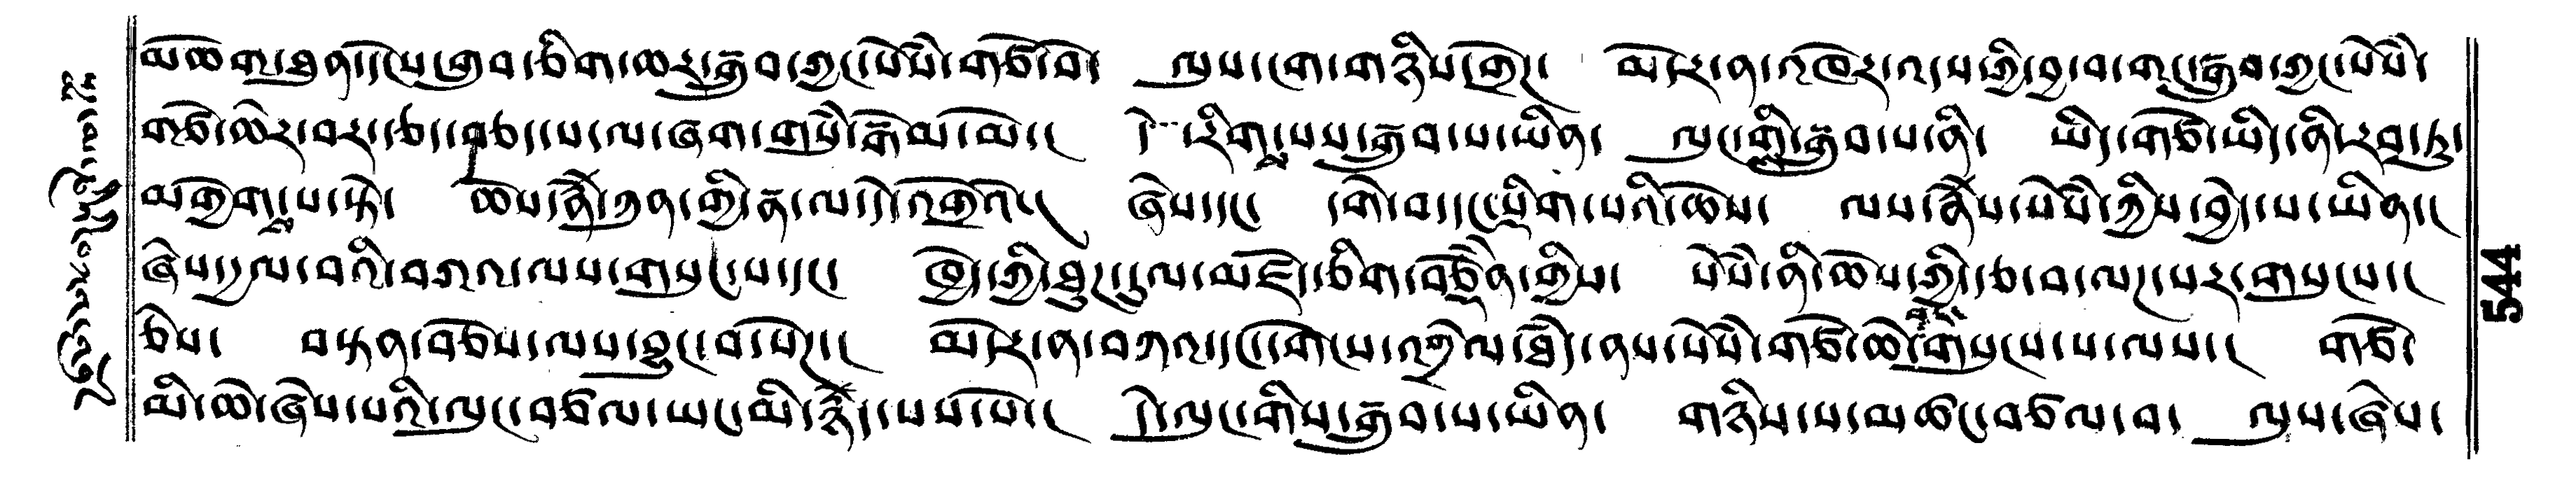མཆོག་ཐུན་དངོས་གྲུབ་ཅིག་ཆར་བསྒྲུབ་ཀྱང་སེམས་གཙོ་བོ། ལུས་ངག་གཉིས་གྲོགས། མདོར་ན་འཁོར་འདས་ཀྱི་བྱ་བ་གང་བསྒྲུབ་ཀྱང་སེམས་
གཙོ་ཆེ་བས་རྩད་གཅོད་པ་ལ་ཞག་གསུམ་སྒོམ་མོ།དེ་རིགས་པས་སྒྲུབ་པ་ཡིན། ལུང་གི་སྒྲུབ་པ་ནི། ཡིད་གཙོ་ཡིད་ནི་རབ་ཏུ་
མགྱོགས་པ་སྟེ། །ཆོས་རྣམས་ཀུན་གྱི་སྣ་ལ་དེ་འགྲོའོ། ཞེས་དང་། དགེ་བ་དང་ནི་སྡིག་པའི་ཆོས། །ལས་རྣམས་སེམས་ཀྱིས་བྱེད་པ་ཡིན། 
ཞེས་རྒྱལ་བའི་བཀའ་ལས་གསུངས་པ་དང་། ཁྱེད་ཀྱི་ཐུགས་དུལ་མཛོད་ཅིག་བཅོམ་ལྡན་གྱིས། །སེམས་ནི་ཆོས་ཀྱི་རྩ་བ་ལགས་པར་གསུངས། 
ཅེས། བསྟན་བཅོས་ལས་བྱུང་བ་སོགས། མདོར་ན་བཀའ་དང་དགོངས་འགྲེལ་ཐམས་ཅད་ནས་སེམས་གཙོ་ཆེ་བར་གསུངས་པ་ལས། གཙོ་
མི་ཆེ་ཞེས་པའི་ལུང་བཙལ་ཡང་མི་རྙེད་པས་སོ། དེ་ལུང་གིས་སྒྲུབ་པ་ཡིན། གཉིས་པ་མཚང་བཙལ་བ། ལུས་ཞེས་